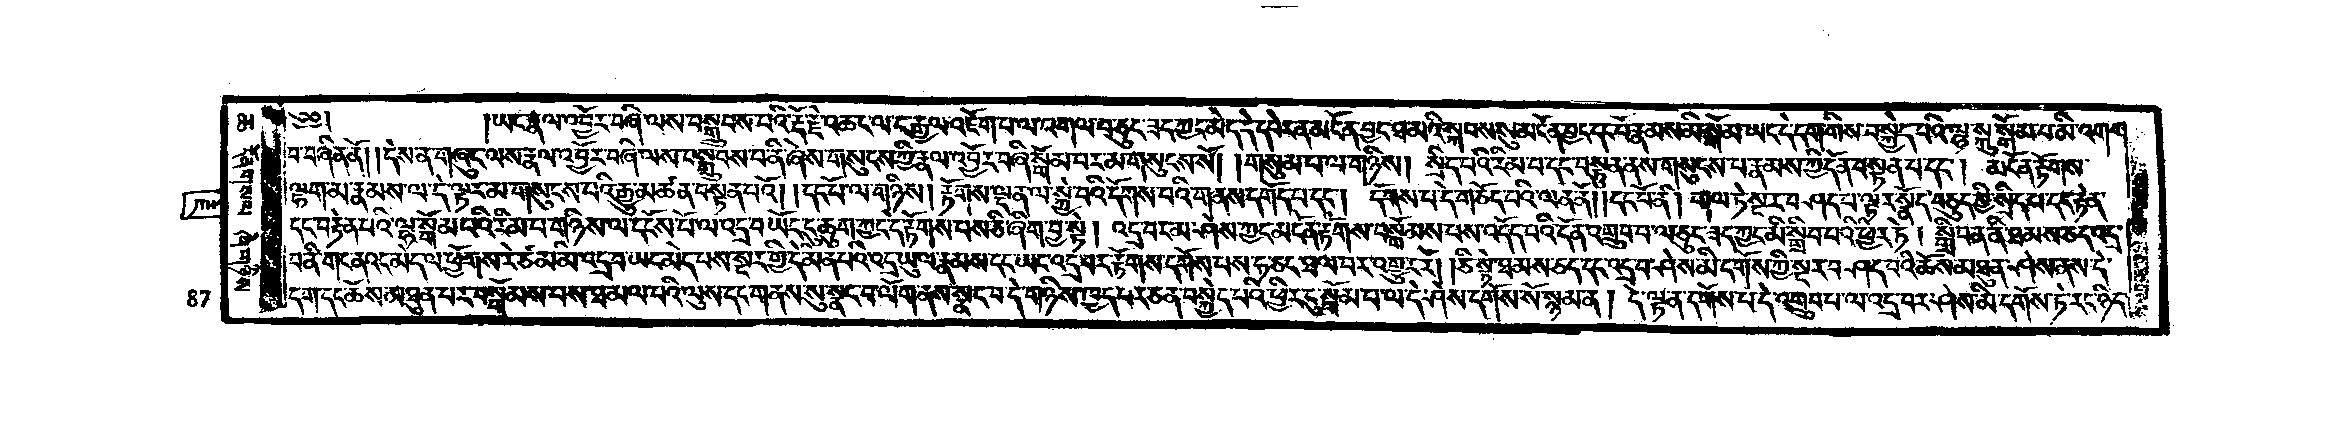༄༅། །ཡང་རྣལ་འབྱོར་བཞི་ལས་བསྒྲུབས་པའི་རྡོ་རྗེ་འཆང་ལ་ང་རྒྱལ་འཇོག་པ་ལ་འགལ་བ་ཅུང་ཟད་ཀྱང་མེད་དེ་དཔེར་ན་མངོན་བྱང་ཐ་མའི་སྐབས་སུ་མངོན་བྱང་དང་པོ་རྣམས་མི་སྒོམ་ཡང་དེ་དག་གིས་བསྐྱེད་པའི་ལྷ་སྐུ་སྒོམ་པ་མི་འགལ་
བ་བཞིན་ནོ། །དེས་ན་གཞུང་ལས་རྣལ་འབྱོར་བཞི་ལས་བསྒྲུབས་པ་ནི་ཞེས་གསུངས་ཀྱི་རྣལ་འབྱོར་བཞི་སྒོམ་པར་མ་གསུངས་སོ། །གསུམ་པ་ལ་གཉིས། སྲིད་པའི་རིམ་པ་དང་བསྟུན་ནས་གསུངས་པ་རྣམས་ཀྱི་དོན་བསྟན་པ་དང་། མངོན་རྟོགས་
ལྷག་མ་རྣམས་ལ་དེ་ལྟར་མ་གསུངས་པའི་རྒྱུ་མཚན་བསྟན་པའོ། །དང་པོ་ལ་གཉིས། རྟོགས་ལྡན་ལ་སྐྱེ་བའི་དོགས་པའི་གནས་དགོད་པ་དང་། དོགས་པ་དེ་གཅོད་པའི་ལན་ནོ། །དང་པོ་ནི། གལ་ཏེ་སྔར་བཤད་པ་ལྟར་སྣོད་བཅུད་ཀྱི་སྲིད་པ་དང་རྟེན་
དང་བརྟེན་པའི་ལྷ་སྒོམ་པའི་རིམ་པ་གཉིས་ལ་དངོས་པོ་ལ་འདྲ་བ་ཡོང་དུ་ཆུག་ཀྱང་དེ་རྟོགས་པས་ཅི་ཞིག་བྱ་སྟེ། འདྲ་བར་མ་ཤེས་ཀྱང་མངོན་རྟོགས་བསྒོམས་པས་འདོད་པའི་དོན་འགྲུབ་པ་ལ་ཅུང་ཟད་ཀྱང་མི་སྒྲིབ་པའི་ཕྱིར་ཏེ། སྒྲིབ་ན་ནི་ཐམས་ཅད་འདྲ་
བ་ནི་གང་ནའང་མེད་ལ་ཕྱོགས་རེ་ཙམ་མི་འདྲ་བ་ཡང་མེད་པས་སྔར་གྱི་དེ་མིན་པའི་འདྲ་ཡུལ་རྣམས་དང་ཡང་འདྲ་བར་རྟོགས་དགོས་པས་ཧ་ཅང་ཐལ་བར་འགྱུར་རོ། །ཅི་སྟེ་ཐམས་ཅད་དང་འདྲ་བ་ཤེས་མི་དགོས་ཀྱི་སྔར་བཤད་པའི་ཆོས་མཐུན་ཤེས་ནས་དེ་
དག་དང་ཆོས་མཐུན་པར་བསྒོམས་པས་ཐ་མལ་པའི་ལུས་དང་གནས་སུ་སྣང་བ་ལོག་ནས་སྣང་བ་དེ་གཉིས་ཁྱད་པར་ཅན་བསྐྱེད་པའི་ཕྱིར་དུ་སྒོམ་པ་ལ་དེ་ཤེས་དགོས་སོ་སྙམ་ན། དེ་ལྟ་ན་དགོས་པ་དེ་འགྲུབ་པ་ལ་འདྲ་བར་ཤེས་མི་དགོས་ཏེ་རང་ཉིད་